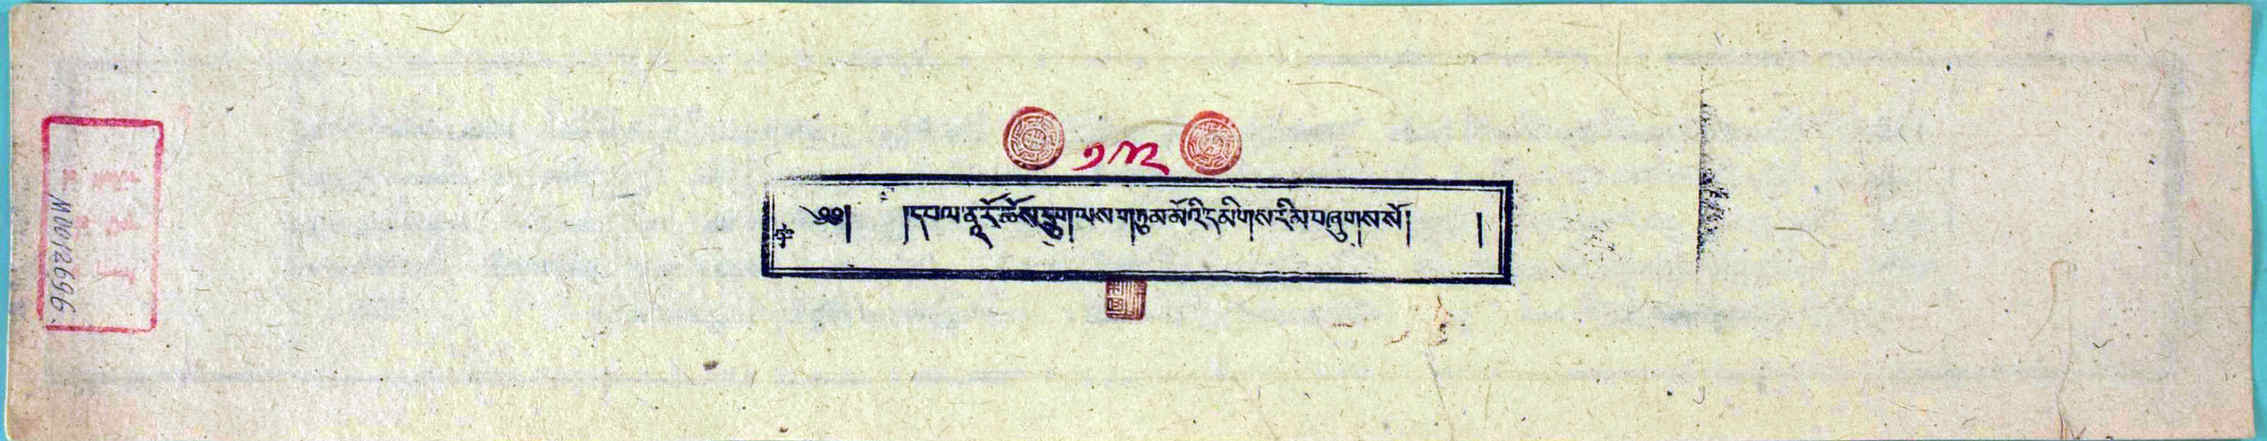༄༅།དཔལ་ནཱ་རོ་ཆོས་དྲུག་ལས་གཏུམ་མོའི་དམིགས་རིམ་བཞུགས་སོ།།